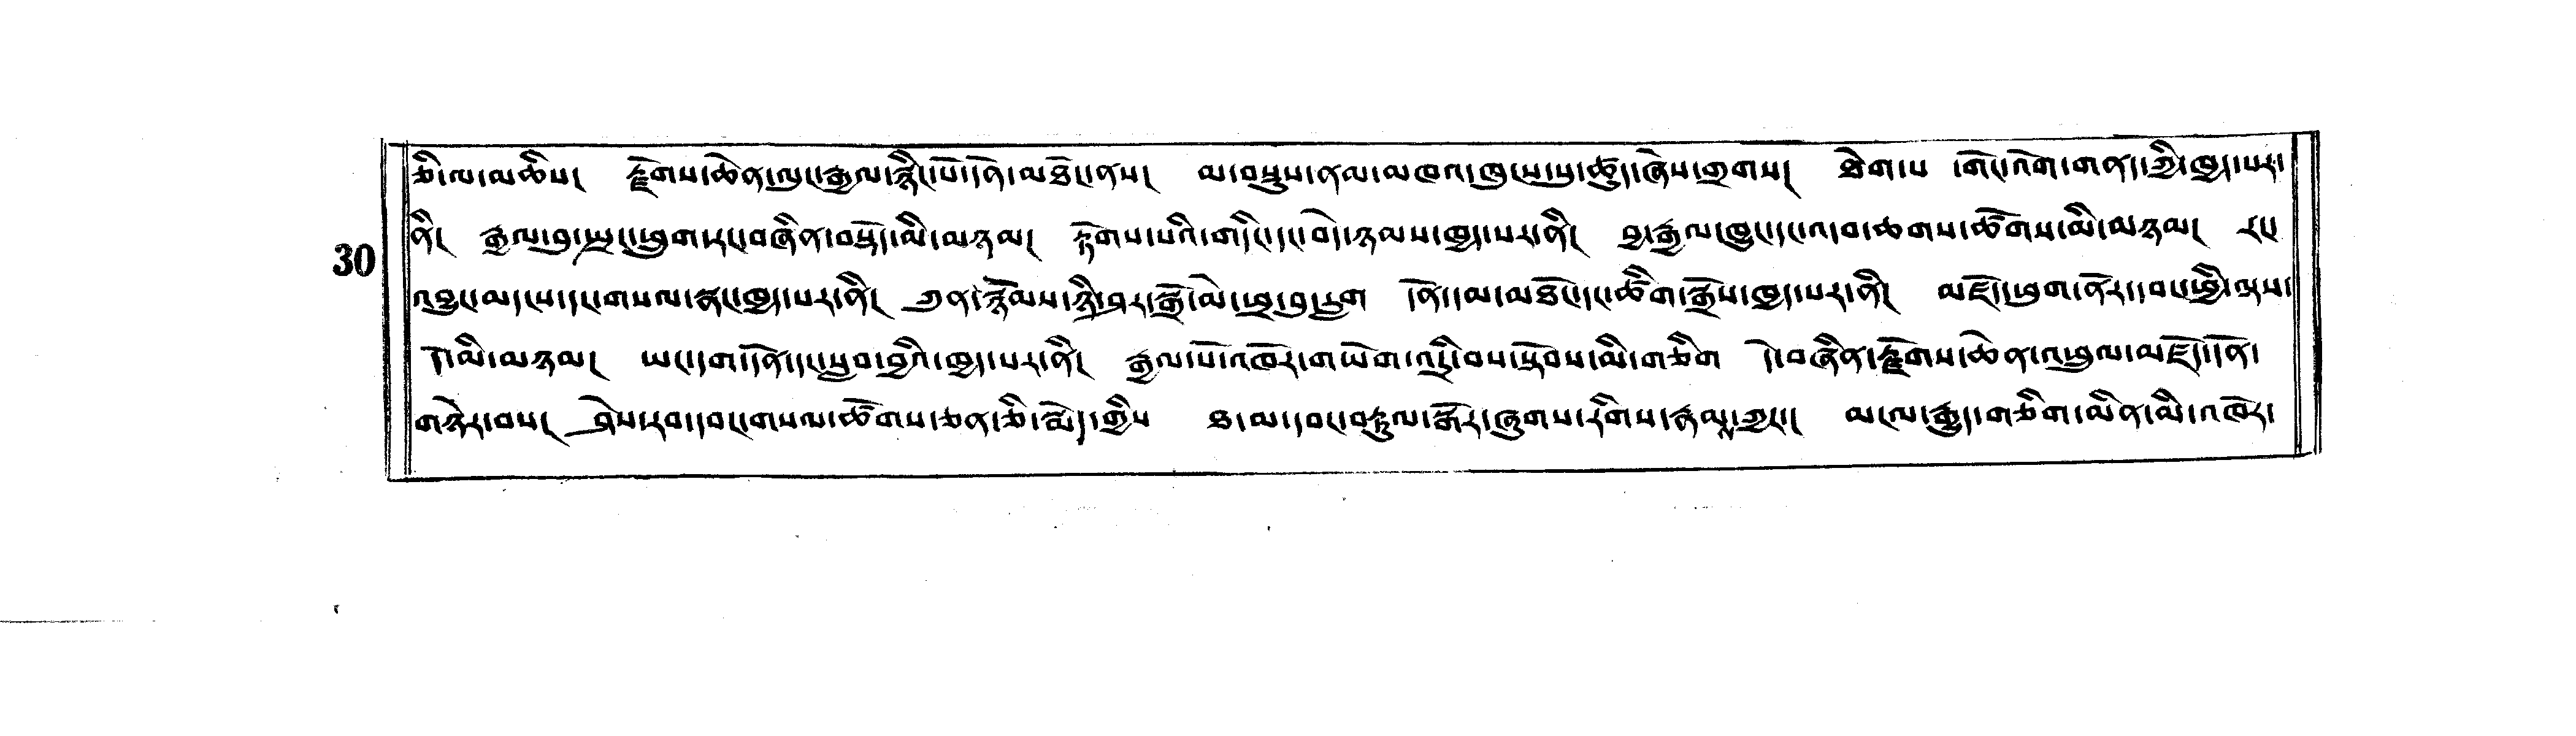ཅི་ལ་མཆིས། རྫོགས་ཆེན་ལུང་རྒྱལ་སྙིང་པོ་དོན་མཐོང་ནས། མ་བསྡུས་ནམ་མཁའ་ཁུངས་སུ་ཚུད་ཅེས་གྲགས། ཐེག་པ་གོང་འོག་གནད་ཀྱི་ཁྱད་པར་
ནི། རྒྱལ་བུ་སྤྲང་ཕྲུག་རང་བཞིན་བསྟོད་མི་མཉམ། རྟོགས་པའི་གདེང་དང་བདེ་ཉམས་ཁྱད་པར་ནི། བྱ་རྒྱལ་ཁྱུང་དང་འདབ་ཆགས་ཚོགས་མི་མཉམ། རང་
འབྱུང་མདངས་དང་གསལ་སྣང་ཁྱད་པར་ནི། ཀུན་སྙོམས་ཉི་ཤར་སྒྲོ་མེད་ཕྲ་བུ་རླག དོན་དམ་མཐོང་དང་ཚིག་སྒྲོས་ཁྱད་པར་ནི། མཛོད་ཕུག་ནོར་དབང་ཕྱི་ལྟས་
དོ་མི་མཉམ། ཡང་དག་དོན་དང་བསླབ་བྱའི་ཁྱད་པར་ནི། རྒྱལ་པོ་འཁོར་གཡོག་འདྲི་བས་སྟོབས་མི་གཅིག དེ་བཞིན་རྫོགས་ཆེན་འཕྲུལ་མཛོད་དོན་
གཉེར་བས། ཤེས་རབ་དབང་གསལ་ཚོགས་ཅན་ཅི་སྨོད་ཀྱིས། ཐ་མ་དབང་རྟུལ་སྒོར་ཞུགས་རིགས་རྣམས་ཀྱང་། མངལ་རྒྱུད་གཅིག་མིན་མི་འཁོར་